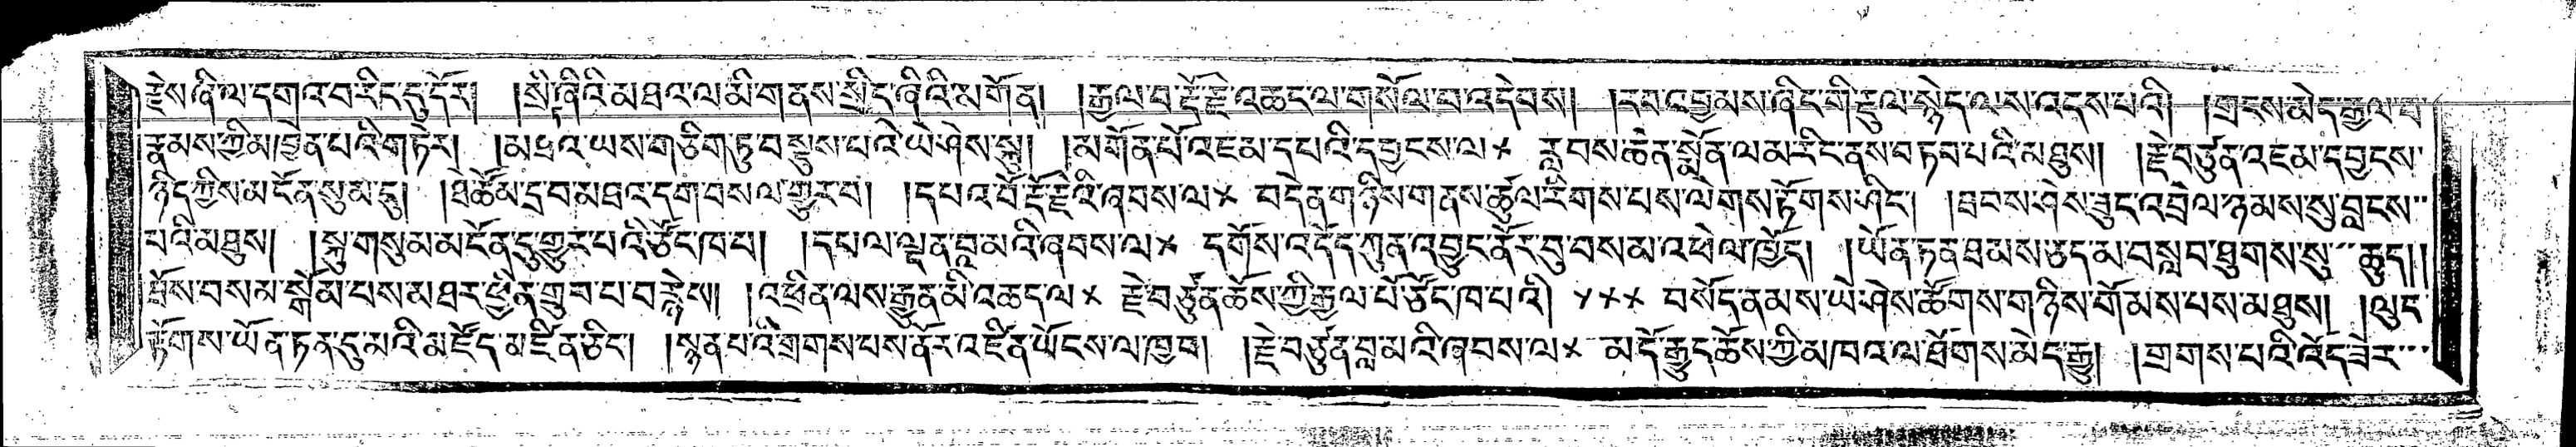རྗེས་ཞི་ལ་དགའ་བ་རིང་དུ་དོར། །སྲིད་ཞིའི་མཐའ་ལ་མི་གནས་སྲིད་ཞིའི་མགོན། །རྒྱལ་བ་རྡོ་རྗེ་འཆང་ལ་གསོལ་བ་འདེབས། །རབ་འབྱམས་ཞིང་གི་རྡུལ་སྙེད་ལས་འདས་པའི། །གྲངས་མེད་རྒྱལ་བ་
རྣམས་ཀྱི་མཁྱེན་པའི་གཏེར། །མཐའ་ཡས་གཅིག་ཏུ་བསྡུས་པའི་ཡེ་ཤེས་སྐུ། །མགོན་པོ་འཇམ་དཔའི་དབྱངས་ལ་{྾}་རླབས་ཆེན་སྨོན་ལམ་རིང་ནས་བཏབ་པའི་མཐུས། །རྗེ་བཙུན་འཇམ་དབྱངས་
ཉིད་ཀྱིས་མངོན་སུམ་དུ། །ཐེ་ཚོམ་དྲ་བ་མཐའ་དག་བསལ་གྱུར་བ། །དཔའ་བོ་རྡོ་རྗེའི་ཞབས་ལ་{྾}་བདེན་གཉིས་གནས་ཚུལ་རིགས་པས་ལེགས་རྟོགས་ཤིང་། །ཐབས་ཤེས་ཟུང་འབྲེལ་ཉམས་སུ་བླངས་
པའི་མཐུས། །སྐུ་གསུམ་མངོན་དུ་གྱུར་པའི་ཙོང་ཁ་པ། །དཔལ་ལྡན་བླ་མའི་ཞབས་ལ་{྾}་དགོས་འདོད་ཀུན་འབྱུང་ནོར་བུ་བསམ་འཕེལ་ཁྱོད། །ཡོན་ཏན་ཐམས་ཅད་མ་བསླབ་ཐུགས་སུ་ཆུད། །
ཐོས་བསམ་སྒོམ་པས་མཐར་ཕྱིན་གྲུབ་པ་བརྙེས། །འཕྲིན་ལས་རྒྱུན་མི་འཆད་ལ་{྾}་རྗེ་བཙུན་ཆོས་ཀྱི་རྒྱལ་པོ་ཙོང་ཁ་པའི། {྾}་{྾}་{྾}་བསོད་ནམས་ཡེ་ཤེས་ཚོགས་གཉིས་གོམས་པས་མཐུས། །ལུང་
རྟོགས་ཡོན་ཏན་དུ་མའི་མཛོད་མཛིན་ཅིང་། །སྙན་པའི་གྲགས་པས་ནོར་འཛིན་ཡོངས་ལ་ཁྱབ། །རྗེ་བཙུན་བླ་མའི་ཞབས་ལ་{྾}་མདོ་རྒྱུད་ཆོས་ཀྱི་མཁའ་ལ་ཐོགས་མེད་རྒྱུ། །གྲགས་པའི་འོད་ཟེར་